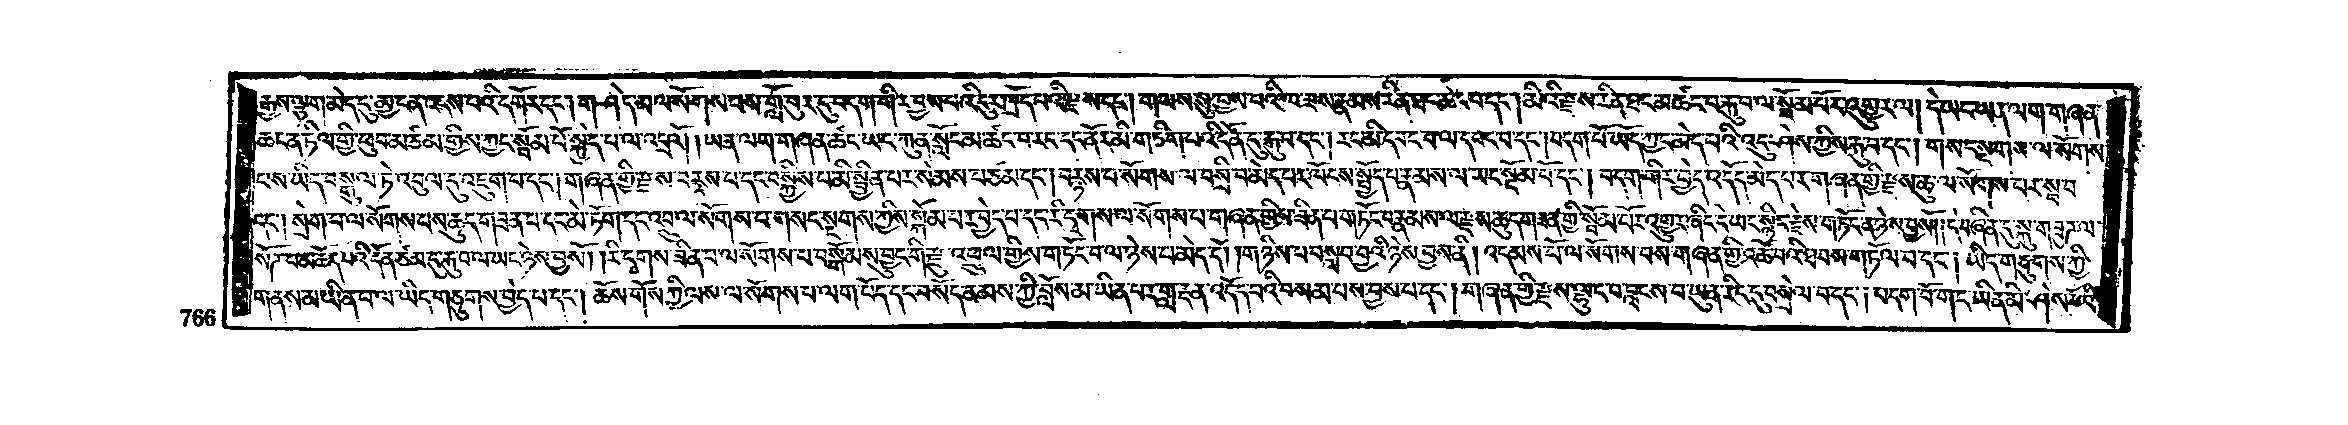རྒྱས་ལྕག་མེད་དུ་མྱ་ངན་འདས་པའི་དགོར་དང་། གཤེད་མ་ལ་སོགས་པས་གློ་བུར་དུ་བདག་གིར་བྱས་པའི་དུར་ཁྲོད་པའི་རྫས་དང་། གཡས་སུ་བྱས་པའི་ཁ་ཟས་རྣམས་རིན་ཐང་ཆེད་བ་དང་། མིའི་རྫས་རིན་ཐང་མཚང་བ་རྐུ་བ་ལ་སྦོམ་པོར་འགྱུར་ལ། དེ་ཡང་ཡན་ལག་གཞན་
ཆང་ན་ཏིལ་གྱི་ཕུབ་མྩམ་གྱིས་ཀྱང་སྦོམ་པོ་སྐྱེད་པ་ལ་འདྲའོ། །ཡན་ལག་གཞན་ཚང་ཡང་ཀུན་སློང་མ་ཚང་བ་རང་དང་ནོར་མི་གཅིག་པའི་དོན་དུ་རྐུ་བ་དང་། རང་མི་དབང་བ་ལ་དབང་བ་དང་། བདག་པོ་ཡོད་ཀྱང་མེད་པའི་འདུ་ཤེས་ཀྱིས་རྐུ་བ་དང་། གསང་སྔགས་ལ་སོགས་
པས་ཡིད་བསྒུལ་ཏེ་འབུལ་དུ་འཇུག་པ་དང་། གཞན་གྱི་རྫས་བརྙས་པ་དང་བསྐྱིས་པ་མི་སྦྱིན་པར་སེམས་བཙམ་དང་། བརྙས་པ་སོགས་ལ་བསྲི་བ་མེད་པར་ལོངས་སྤྱོད་པ་རྣམས་ལ་ཡང་སྡོམ་པོ་དང་། བདག་གིར་བྱེད་འདོད་མེད་པར་གཞན་གྱི་རྫས་ཆུ་ལ་སོགས་པར་སྔ་བ་
དང་། སྲེག་པ་ལ་སོགས་པས་ཆུད་གཟན་པ་དང་མེ་ཏོག་དང་འབྲུ་ལ་སོགས་པ་གསང་སྔགས་ཀྱིས་སྐོམ་པར་བྱེད་པ་དང་རི་དྭགས་ལ་སོགས་པ་གཞན་གྱིས་ཟིན་པ་གཏོང་བ་རྣམས་ལ་རྫས་ཆུད་གཟན་གྱི་སྦོམ་པོར་འགྱུར་ཞིང་དེ་ཡང་སྙིང་རྗེས་གཏོང་ན་ཉེས་བྱས་སོ། །དེ་བཞིན་དུ་སྐུ་གཟུཌ་ལ་
སོགས་པ་མཆོད་པའི་དོན་ཙམ་དུ་རྐུ་བ་ལ་ཡང་ཉེས་བྱས་སོ། །རི་དྭགས་ཟིན་པ་ལ་སོགས་པ་བསྒོམས་བྱུང་གི་རྫུ་འཕྲུལ་གྱིས་གཏོང་བ་ལ་ཉེས་པ་མེད་དོ། །གཉིས་པ་བསླབ་བྱའི་ཉེས་བྱས་ནི། འདམས་པོ་ལ་སོགས་པས་གཞན་གྱི་འཚོ་བའི་ཐབས་གཏོལ་བ་དང་། ཡིད་གཅུགས་ཀྱི་།
གནས་མ་ཡིན་པ་ལ་ཡིད་གཅུགས་བྱེད་པ་དང་། ཆོས་གོས་ཀྱི་ལས་ལ་སོགས་པ་ལག་པོད་དང་བསོད་ནམས་ཀྱི་བློས་མ་ཡིན་པར་གླ་རྔན་འདོད་པའི་བསམ་པས་བྱས་པ་དང་། གཞན་གྱི་རྫས་ལྷུང་བ་བླངས་པ་ཡུན་རིང་དུ་བསྲེལ་བ་དང་། བདག་པོ་གང་ཡིན་མི་ཤེས་པོའི་